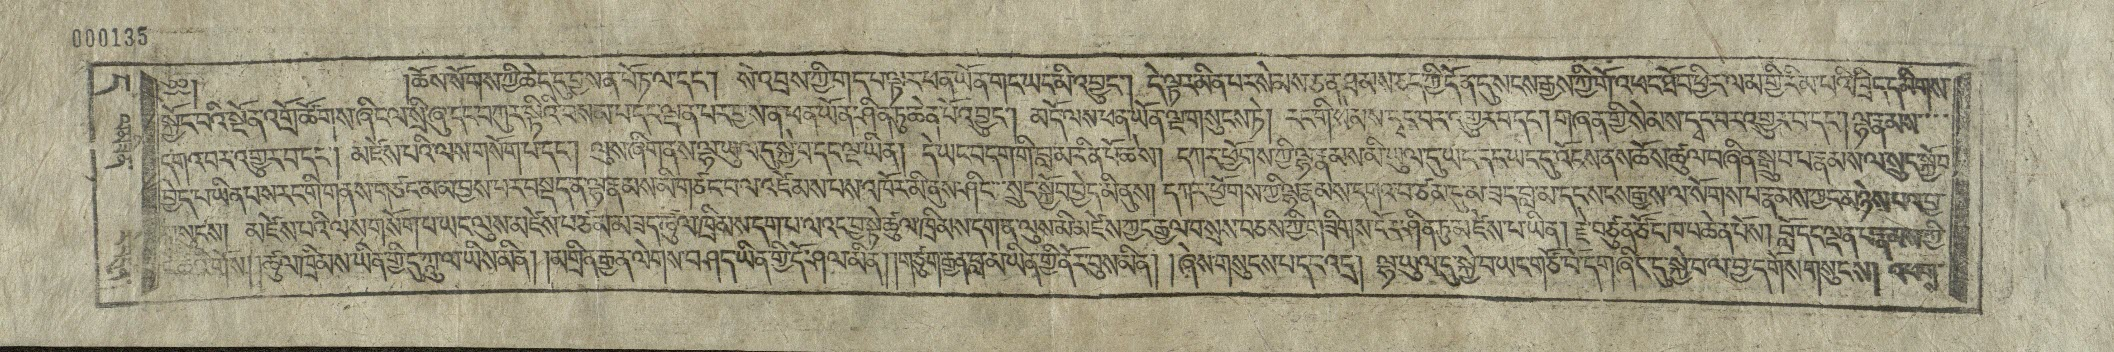༄༅། །ཆོས་སོགས་ཀྱི་ཆེད་དུ་བྱས་ན་པོ་ཏ་ལ་དང་། སེ་འབྲས་ཀྱི་གད་པ་ལྟར་ཕན་ཡོན་གང་ཡང་མི་འབྱུང་། དེ་ལྟར་མིན་པར་སེམས་ཅན་ཐམས་ཅད་ཀྱི་དོན་དུ་སངས་རྒྱས་ཀྱི་གོ་འཕང་ཐོབ་ཕྱིར་ལམ་གྱི་རིམ་པའི་ཁྲིད་དམིགས་
སྐྱོང་བའི་སྔོན་འགྲོ་ཚོགས་ཞིང་ལ་སྲི་ཞུ་དང་བཀུར་སྟིའི་བསམ་པ་དང་ལྡན་པར་བྱས་ན་ཕན་ཡོན་ཤིན་ཏུ་ཆེན་པོ་འབྱུང་། མདོ་ལས་ཕན་ཡོན་ལྔ་གསུངས་ཏེ། རང་གི་སེམས་དྭང་བར་འགྱུར་བ་དང་། གཞན་གྱི་སེམས་དྭང་བར་འགྱུར་བ་དང་། ལྷ་རྣམས་
དགའ་བར་འགྱུར་བ་དང་། མཛེས་པའི་ལས་གསོག་པ་དང་། ལུས་ཞིག་ནས་ལྷ་ཡུལ་དུ་སྐྱེ་བ་དང་ལྔ་ཡིན། དེ་ཡང་བདག་གི་བླ་མ་རིན་པོ་ཆེས། དཀར་ཕྱོགས་ཀྱི་ལྷ་རྣམས་མི་ཡུལ་དུ་ཡང་དང་ཡང་དུ་འོངས་ནས་ཆོས་ཚུལ་བཞིན་སྒྲུབ་པ་རྣམས་ལ་སྲུང་སྐྱོབ་
བྱེད་པ་ཡིན་པས་རང་གི་གནས་གཙང་མ་མ་བྱས་པར་བསྡད་ན་ལྷ་རྣམས་མི་གཙང་བ་ལ་འཛེམས་པས་འཁོར་མི་ནུས་ཤིང་སྲུང་སྐྱོབ་བྱེད་མི་ནུས། དཀར་ཕྱོགས་ཀྱི་ལྷ་རྣམས་དགའ་བ་ཙམ་དུ་མ་ཟད་བླ་མ་དང་སངས་རྒྱས་ལ་སོགས་པ་རྣམས་ཀྱང་མཉེས་པ་ལ་བྱ་
གསུངས། མཛེས་པའི་ལས་གསོག་པ་ཡང་ལུས་མཛེས་པ་ཙམ་མ་ཟད་ཚུལ་ཁྲིམས་དག་པ་ལའང་བྱ་སྟེ་ཚུལ་ཁྲིམས་དག་ན་ལུས་མི་མཛེས་ཀྱང་རྒྱལ་བ་སྲས་བཅས་ཀྱི་གཟིགས་ངོར་ཤིན་ཏུ་མཛེས་པ་ཡིན། རྗེ་བཙུན་ཙོང་ཁ་པ་ཆེན་པོས། བློ་དང་ལྡན་པ་རྣམས་ཀྱི་
ངོ་ཚའི་གོས། །ཚུལ་ཁྲིམས་ཡིན་གྱི་དུ་ཀླུ་ལ་ཡིས་མིན། །མགྲིན་རྒྱན་ལེགས་བཤད་ཡིན་གྱི་དོ་ཤལ་མིན། །གཙུག་རྒྱན་བླ་མ་ཡིན་གྱི་ནོར་བུས་མིན། །ཞེས་གསུངས་པ་དང་འདྲ། ལྷ་ཡུལ་དུ་སྐྱེ་བ་ཡང་གཙོ་བོ་དག་ཞིང་དུ་སྐྱེ་བ་ལ་བྱ་དགོས་གསུངས། འཕགས་